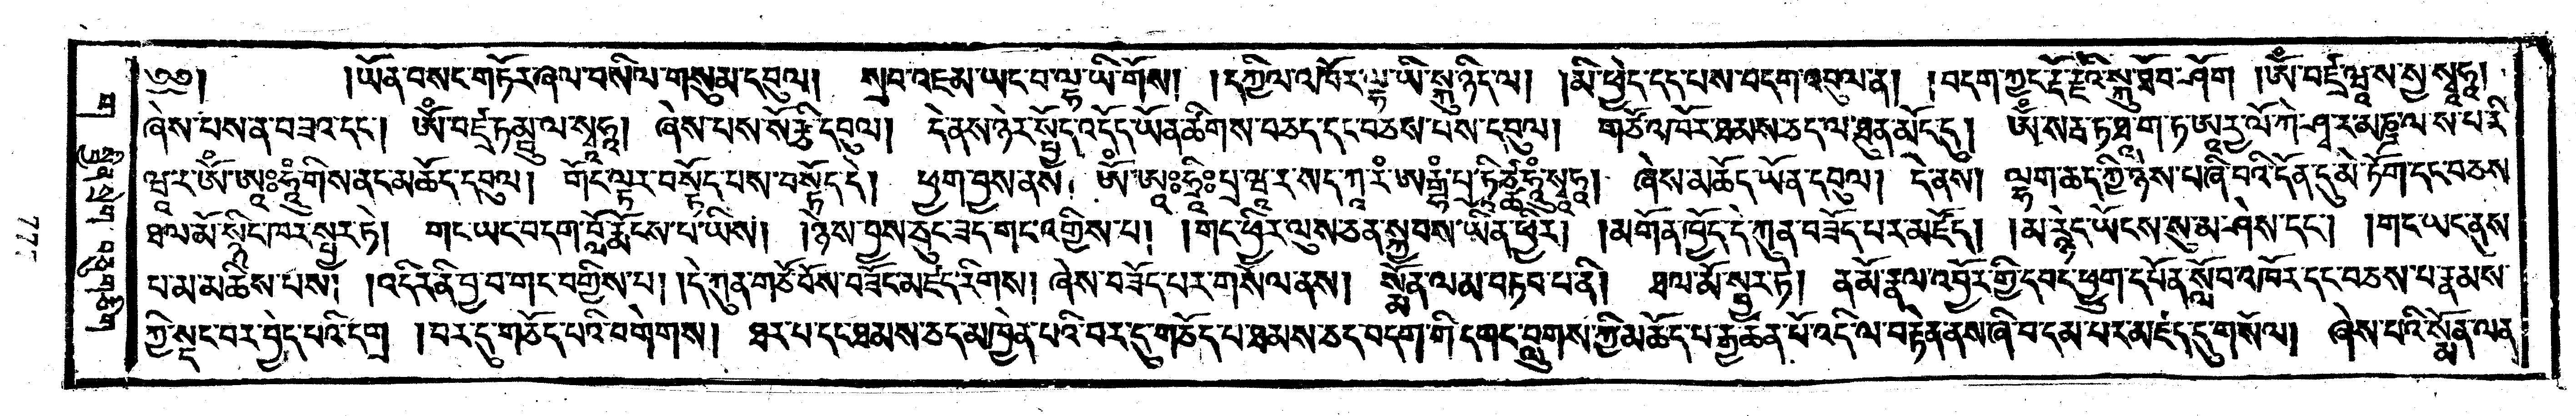༄༅། །ཡོན་བསང་གཏོར་ཞལ་བསིལ་གསུམ་དབུལ། སྲབ་འཇམ་ཡང་བ་ལྷ་ཡི་གོས། །དཀྱིལ་འཁོར་ལྷ་ཡི་སྐུ་ཉིད་ལ། །མི་ཕྱེད་དད་པས་བདག་འབུལ་ན། །བདག་ཀྱང་རྡོ་རྗེའི་སྐུ་ཐོབ་ཤོག །ཨོཾ་བཛྲ་ཝཱ་ས་སྤྱ་སྭཱཧཱ།
ཞེས་པས་ན་བཟའ་དང་། ཨོཾ་བཛྲ་ཏམྦུ་ལ་སྭཱཧཱ། ཞེས་པས་སོ་རྩི་དབུལ། དེ་ནས་ཉེར་སྤྱོད་འདོད་ཡོན་ཚིགས་བཅད་དང་བཅས་པས་དབུལ། གཙོ་འཁོར་ཐམས་ཅད་ལ་ཐུན་མོང་དུ། ཨོཾ་སརྦ་ཏ་ཐཱ་ག་ཏ་ཨཱརྱ་ལོ་ཀེ་ཤྭ་ར་མཎྜ་ལ་ས་པ་རི་
ཝཱ་ར་ཨོཾ་ཨཱཿཧཱུཾ་གིས་ནང་མཆོད་དབུལ། གོང་ལྟར་བསྟོད་པས་བསྟོད་དེ། ཕྱག་བྱས་ནས། ཨོཾ་ཨཱཿཧྲཱིཿ པྲ་ཝཱ་ར་སད་ཀཱ་རཾ་ཨརྒྷཾ་པྲ་ཏཱི་ཙྪ་ཧཱུཾ་སྭཱཧཱ། ཞེས་མཆོད་ཡོན་དབུལ། དེ་ནས། ལྷག་ཆད་ཀྱི་ཉེས་བཞི་བའི་དོན་དུ་མེ་ཏོག་དང་བཅས་
ཐལ་མོ་སྙིང་ཁར་སྦྱར་ཏེ། གང་ཡང་བདག་བློ་རྨོངས་པ་ཡིས། །ཉེས་བྱས་ཅུང་ཟད་གང་འགྱིས་པ། །གང་ཕྱིར་ལུས་ཅན་སྐྱབས་ཡིན་ཕྱིར། །མགོན་ཁྱོད་དེ་ཀུན་བཟོད་པར་མཛོད། །མ་རྙེད་ཡོངས་སུ་མ་ཤེས་དང་། །གང་ཡང་ནུས་
པ་མ་མཆིས་པས། །འདིར་ནི་བྱ་བ་གང་བགྱིས་པ། །དེ་ཀུན་གཙོ་བོས་བཟོང་མཛད་རིགས། ཞེས་བཟོད་པར་གསོལ་ནས། སྨོན་ལམ་བཏབ་པ་ནི། ཐལ་མོ་སྦྱར་ཏེ། ན་མོ་རྣལ་འབྱོར་གྱི་དབང་ཕྱུག་དཔོན་སློབ་འཁོར་དང་བཅས་པ་རྣམས་
ཀྱི་སྡང་བར་བྱེད་པའི་དགྲ་།བར་དུ་གཅོད་པའི་བགེགས། ཐར་པ་དང་ཐམས་ཅད་མཁྱེན་པའི་བར་དུ་གཅོད་པ་ཐམས་ཅད་བདག་གི་དགང་བླུགས་ཀྱི་མཆོད་པ་རྒྱ་ཚན་པོ་འདི་ལ་བརྟེན་ནས་ཞི་བ་དམ་པར་མཛད་དུ་གསོལ། ཞེས་པའི་སྨོན་ལན་